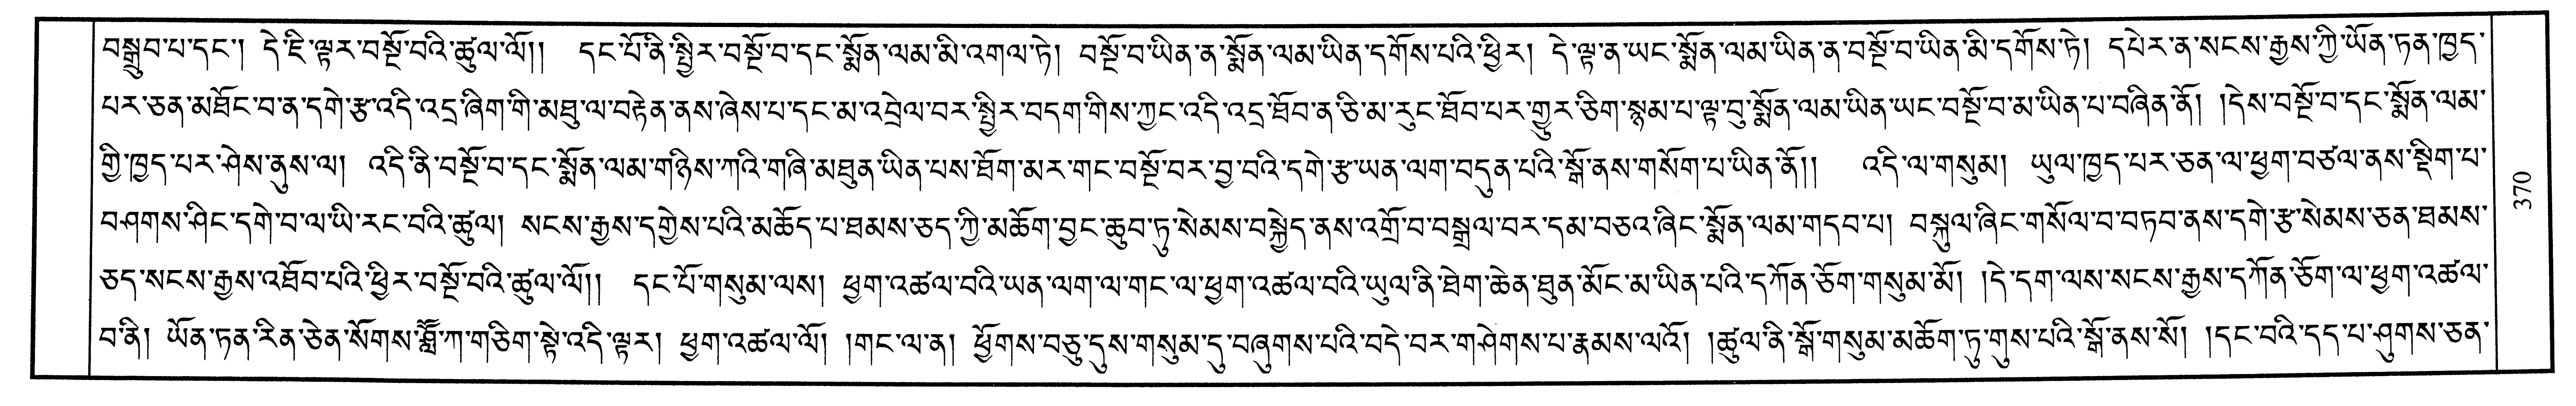བསྒྲུབ་པ་དང་། དེ་ཇི་ལྟར་བསྔོ་བའི་ཚུལ་ལོ།། དང་པོ་ནི་སྤྱིར་བསྔོ་བ་དང་སྨོན་ལམ་མི་འགལ་ཏེ། བསྔོ་བ་ཡིན་ན་སྨོན་ལམ་ཡིན་དགོས་པའི་ཕྱིར། དེ་ལྟ་ན་ཡང་སྨོན་ལམ་ཡིན་ན་བསྔོ་བ་ཡིན་མི་དགོས་ཏེ། དཔེར་ན་སངས་རྒྱས་ཀྱི་ཡོན་ཏན་ཁྱད་
པར་ཅན་མཐོང་བ་ན་དགེ་རྩ་འདི་འདྲ་ཞིག་གི་མཐུ་ལ་བརྟེན་ནས་ཞེས་པ་དང་མ་འབྲེལ་བར་སྤྱིར་བདག་གིས་ཀྱང་འདི་འདྲ་ཐོབ་ན་ཅི་མ་རུང་ཐོབ་པར་གྱུར་ཅིག་སྙམ་པ་ལྟ་བུ་སྨོན་ལམ་ཡིན་ཡང་བསྔོ་བ་མ་ཡིན་པ་བཞིན་ནོ། །དེས་བསྔོ་བ་དང་སྨོན་ལམ་
གྱི་ཁྱད་པར་ཤེས་ནུས་ལ། འདི་ནི་བསྔོ་བ་དང་སྨོན་ལམ་གཉིས་ཀའི་གཞི་མཐུན་ཡིན་པས་ཐོག་མར་གང་བསྔོ་བར་བྱ་བའི་དགེ་རྩ་ཡན་ལག་བདུན་པའི་སྒོ་ནས་གསོག་པ་ཡིན་ནོ།། འདི་ལ་གསུམ། ཡུལ་ཁྱད་པར་ཅན་ལ་ཕྱག་བཙལ་ནས་སྡིག་པ་
བཤགས་ཤིང་དགེ་བ་ལ་ཡི་རང་བའི་ཚུལ། སངས་རྒྱས་དགྱེས་པའི་མཆོད་པ་ཐམས་ཅད་ཀྱི་མཆོག་བྱང་ཆུབ་ཏུ་སེམས་བསྐྱེད་ནས་འགྲོ་བ་བསྒྲལ་བར་དམ་བཅའ་ཞིང་སྨོན་ལམ་གདབ་པ། བསྐུལ་ཞིང་གསོལ་བ་བཏབ་ནས་དགེ་རྩ་སེམས་ཅན་ཐམས་
ཅད་སངས་རྒྱས་འཐོབ་པའི་ཕྱིར་བསྔོ་བའི་ཚུལ་ལོ།། དང་པོ་གསུམ་ལས། ཕྱག་འཚལ་བའི་ཡན་ལག་ལ་གང་ལ་ཕྱག་འཚལ་བའི་ཡུལ་ནི་ཐེག་ཆེན་ཐུན་མོང་མ་ཡིན་པའི་དཀོན་ཅོག་གསུམ་མོ། །དེ་དག་ལས་སངས་རྒྱས་དཀོན་ཅོག་ལ་ཕྱག་འཚལ་
བ་ནི། ཡོན་ཏན་རིན་ཅེན་སོགས་ཤླཽ་ཀ་གཅིག་སྟེ་འདི་ལྟར། ཕྱག་འཚལ་ལོ། །གང་ལ་ན། ཕྱོགས་བཅུ་དུས་གསུམ་དུ་བཞུགས་པའི་བདེ་བར་གཤེགས་པ་རྣམས་ལའོ། །ཚུལ་ནི་སྒོ་གསུམ་མཆོག་ཏུ་གུས་པའི་སྒོ་ནས་སོ། །དང་བའི་དད་པ་ཤུགས་ཅན་